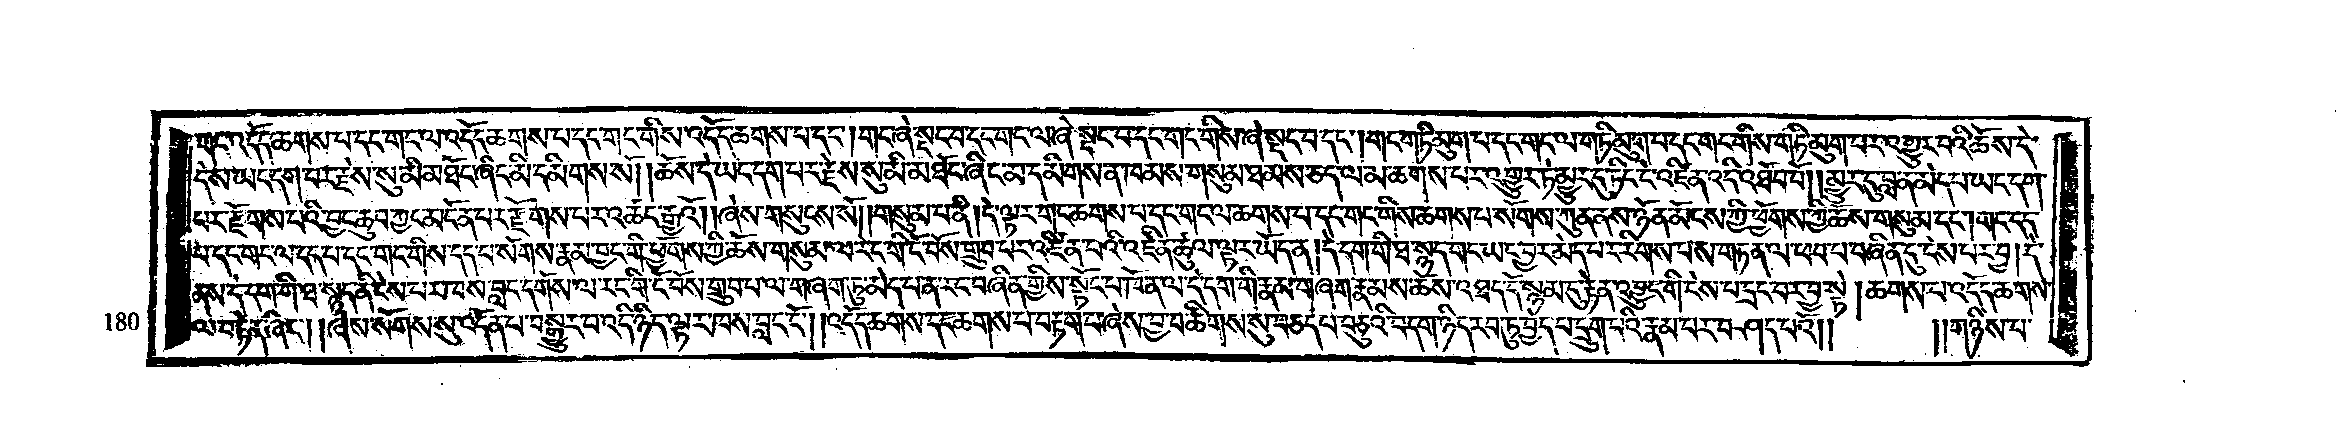གང་འདོད་ཆགས་པ་དང་གང་ལ་འདོད་ཆགས་པ་དང་གང་གིས་འདོད་ཆགས་པ་དང་། གང་ཞེ་སྡང་བ་དང་གང་ལ་ཞེ་སྡང་བ་དང་གང་གིས་ཞེ་སྡང་བ་དང་། གང་གཏི་མུག་པ་དང་གང་ལ་གཏི་མུག་བ་དང་གང་གིས་གཏི་མུག་པར་འགྱུར་བའི་ཆོས་དེ་
དེས་ཡང་དག་པར་རྗེས་སུ་མི་མཐོང་ཞིང་མི་དམིགས་སོ། །ཆོས་དེ་ཡང་དག་པར་རྗེས་སུ་མི་མཐོང་ཞིང་མ་དམིགས་ན་མཁས་གསུམ་ཐམས་ཅད་ལ་མ་ཆགས་པར་འགྱུར་ཏེ་མྱུར་དུ་ཏིང་ངེ་འཛིན་འདི་འཐོབ་བོ། །མྱུར་དུ་བླ་ན་མེད་པ་ཡང་དག་
པར་རྫོགས་པའི་བྱང་ཆུབ་ཀྱང་མངོན་པར་རྫོགས་པར་འཚང་རྒྱའོ། །ཞེས་གསུངས་སོ། །གསུམ་པ་ནི། །དེ་ལྟར་གང་ཞགས་པ་དང་གང་ལ་ཆགས་པ་དང་གང་གིས་ཆགས་པ་སོགས་ཀུན་ནས་ཉོན་མོངས་ཀྱི་ཕྱོགས་ཀྱི་ཆོས་གསུམ་དང་། གང་དང་
པ་དང་གང་ལ་དད་པ་དང་གང་གིས་དད་པ་སོགས་རྣམ་བྱང་གི་ཕྱོགས་ཀྱི་ཆོས་གསུམ་ལ་རང་གི་ངོ་བོས་གྲུབ་པར་འཛིན་པའི་འཛིན་ཚུལ་ལྟར་ཡོད་ན། དེ་དག་གི་ཐ་སྙད་གང་ཡང་བྱར་མེད་པར་རིགས་པས་གཏན་ལ་ཕབ་པ་བཞིན་དུ་ངེས་པར་བྱ། དེ་
ནས་དེ་དག་གི་ཐ་སྙད་ནི་ངེས་པར་ཁས་བླང་དགོས་ལ་རང་གི་ངོ་བོས་གྲུབ་པ་ལ་གཞག་ཏུ་མེད་པ་ན་རང་བཞན་གྱི་སྟོན་པ་ཁོ་ན་ལ་དེ་དག་གི་རྣམ་གཞན་རྣམ་སྕོས་འཐད་དོ་སྙམ་དུ་རྟེན་འབྱུང་གི་ངེས་པ་དྲང་བར་བྱ་སྟེ། ཆགས་པ་འདོད་ཆགས་
ལ་བརྟེན་ཞིང་། །ཞེས་སོགས་སུ་འདོན་པ་བསྒྱུར་བ་འདི་ཉིད་ལྟར་ཁས་བླང་ངོ། །འདོད་ཆགས་དང་ཆགས་པ་བརྟག་པ་ཞེས་བྱ་བ་ཚིག་སུ་བཅད་པ་བཅུའི་བདག་ཉིད་རབ་ཏུ་བྱེད་པ་དྲུག་པའི་རྣམ་པར་བཤད་པའོ།། །།གཉིས་པ་